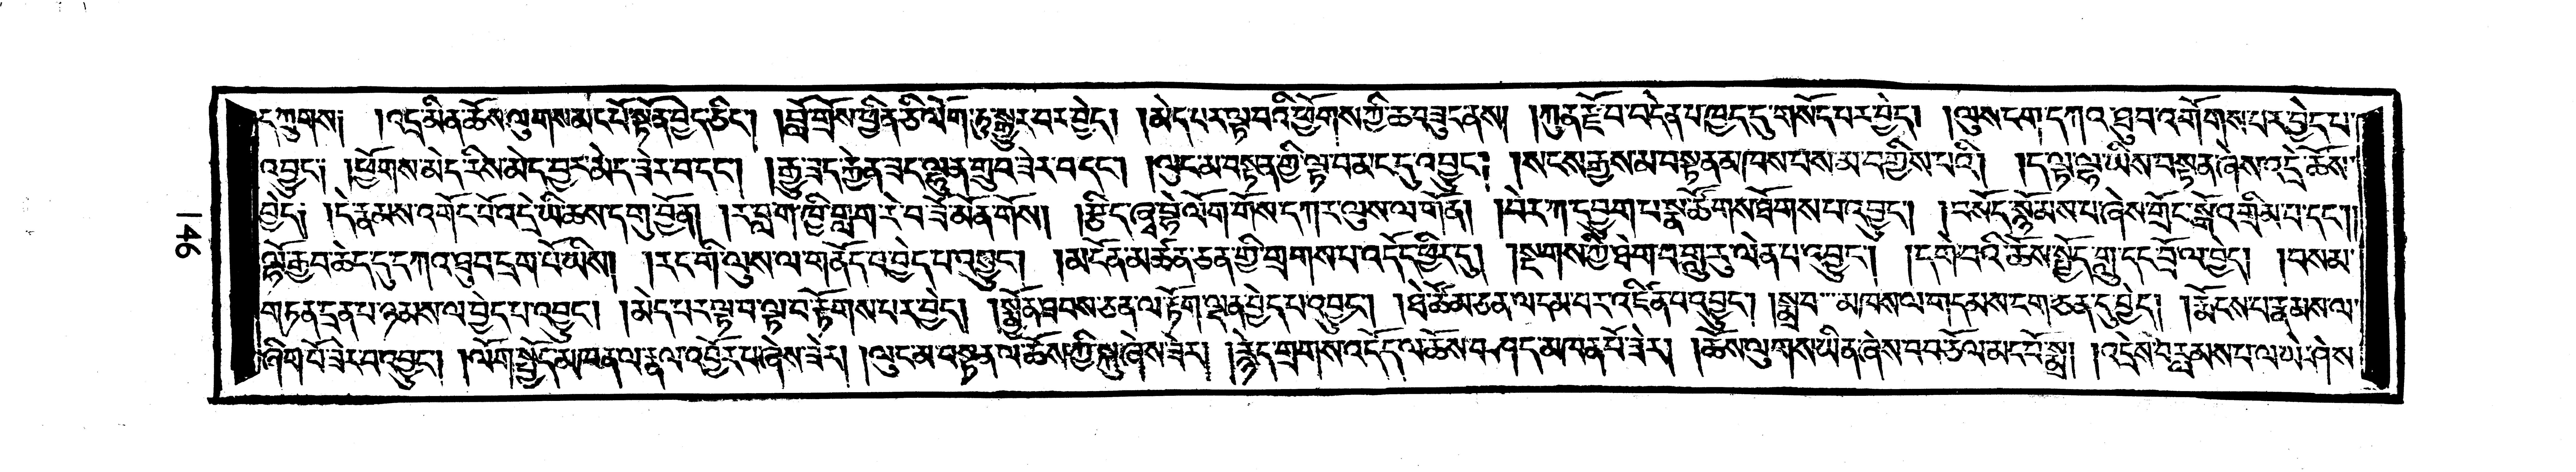དཀྲུགས། །འདྲ་མིན་ཆོས་ལུགས་མང་པོ་སྟོན་བྱེད་ཅིང་། །བློ་གྲོས་ཕྱིན་ཅི་ལོག་ཏུ་སྒྱུར་བར་བྱེད། །མེད་པར་ལྟ་བའི་ཕྱོགས་ཀྱི་ཆ་བཟུང་ནས། །ཀུན་རྫོབ་བདེན་པ་ཁྱད་དུ་གསོད་པར་བྱེད། །ལུས་ངག་དཀའ་ཐུབ་འགོག་བར་བྱེད་པ་
འབྱུང་། །ཕྱོགས་མེད་རིས་མེད་བྱར་མེད་ཟེར་བ་དང་། །རྒྱུ་ཟད་རྐྱེན་ཟད་ལྷུན་གྲུབ་ཟེར་བ་དང་། །ལུང་མ་བསྟན་གྱི་ལྟ་བ་མང་དུ་འབྱུང་། །སངས་རྒྱས་མ་བསྟན་མཁས་པས་མ་བགྱིས་པའི། །ད་ལྟ་ལྷ་ཡིས་བསྟན་ཞེས་འདྲེ་ཆོས་
བྱེད༑ །དེ་རྣམས་འགོང་པོ་འདྲེ་ཡི་ཆས་དགུ་བྱོན། །ར་གླག་ཁྱི་གླག་རི་བ་ཟོ་མོན་གོས། །རྩིད་ཞྭ་བྷེ་ལོག་གོས་དཀར་ལུས་ལ་གོན། །པེར་ཀ་དབྱུག་པ་སྣ་ཚོགས་ཐོགས་པ་འབྱུང་། །བསོད་སྙོམས་པ་ཞེས་གྲོར་སྒོ་འགྲིམ་པ་དང་། །
ལྟོ་རྒྱབ་ཆེད་དུ་དཀའ་ཐུབ་དྲག་པོ་ཡིས། །རང་གི་ལུས་ལ་གནོད་པ་བྱེད་པ་འབྱུང་། །མངོན་མཚན་ཅན་གྱི་གྲགས་པ་འདོད་ཕྱིར་དུ། །སྔགས་ཀྱི་ཐེག་པ་གླུ་རུ་ལེན་པ་འབྱུང་། །དགེ་བའི་ཆོས་སྤྱོད་གླུ་དང་བྲོ་ལ་བྱེད། །བསམ་
གཏན་དྲན་པ་ཉམས་ལ་བྱེད་པ་འབྱུང་། །མེད་པར་ལྟ་བ་ལྟ་བ་རྟོགས་པར་བྱེད། །སྨྱོན་ཐབས་ཅན་ལ་རྟོག་ལྡན་བྱེད་པ་འབྱུང་། །ཐེ་ཚོམ་ཅན་ལ་དམ་པར་འཛིན་པ་འབྱུང་། །སྨྲ་བ་མཁས་ལ་གདམས་ངག་ཅན་དུ་བྱེད། །རྨོངས་པ་རྣམས་ལ་
ཞིག་པོ་ཟེར་བ་འབྱུང་། །ལོག་སྤྱོད་མཁན་ལོ་རྣལ་འབྱོར་པ་ཞེས་ཟེར། །ལུང་མ་བསྟན་ལ་ཆོས་ཀྱི་སྐུ་ཞེས་ཟེར། རྙེད་གྲགས་འདོད་ལ་ཆོས་བཤད་མཁན་པོ་ཟེར། །ཆོས་ལུགས་ཡིན་ཞེས་བབ་ཅོལ་མང་པོ་སྨྲ། །འདྲེས་བརླམས་པ་ལ་ཡེ་ཤེས་